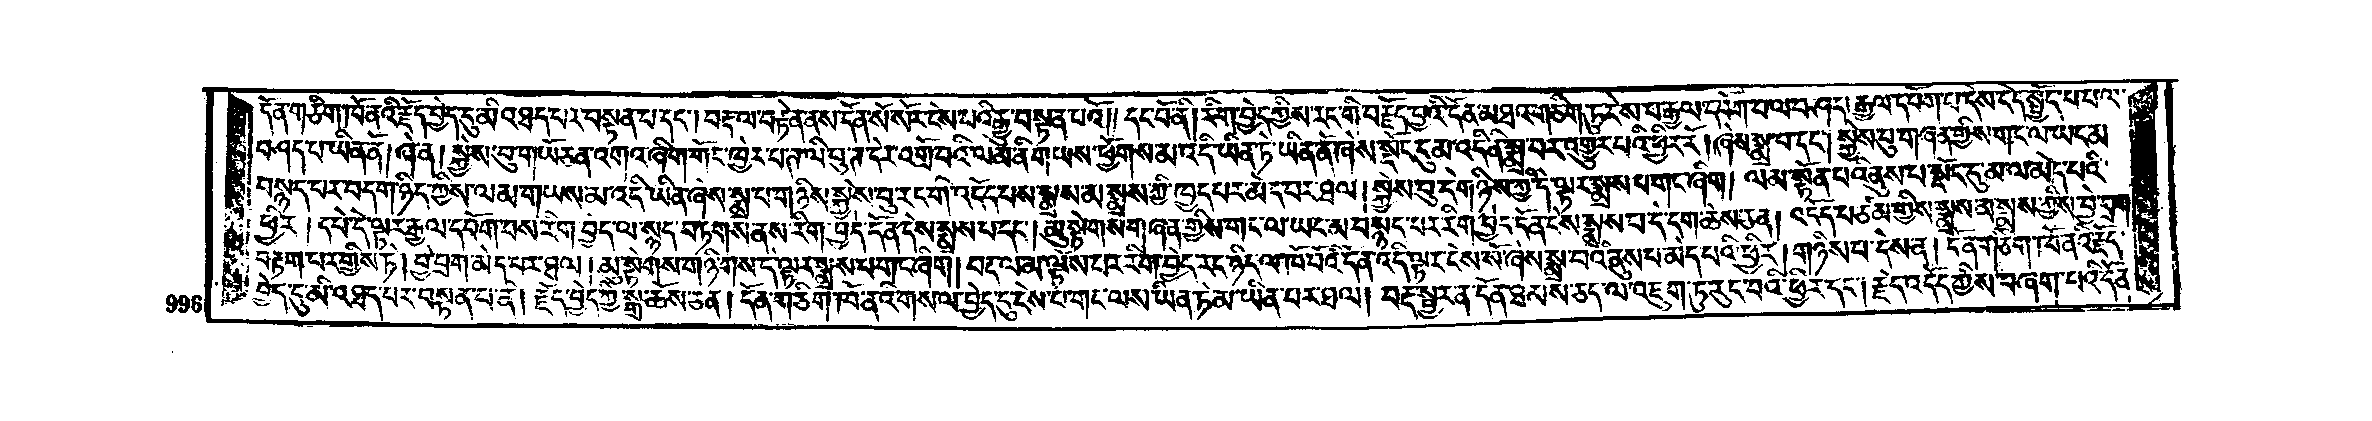དོན་གཅིག་ཁོ་ནའི་རྗོད་བྱེད་དུ་མི་འཐད་པར་བསྟན་པ་དང་། བརྡ་ལ་བརྟེན་ནས་དོན་སོ་སོར་ངེས་པའི་རྒྱུ་བསྟན་པའོ། །དང་པོ་ནི། རིག་བྱེད་ཀྱིས་རང་གི་བརྗོད་བྱའི་དོན་མཐའ་གཅིག་ཏུ་ངེས་པ་རྒྱལ་དཔོག་པ་ལ་བཤད། རྒྱལ་དཔོག་པ་དེས་ངེད་སྤྱོད་པ་པ་ལ་
བཤད་པ་ཡིན་ནོ། ཞེ་ན། སྐྱེས་བུ་གཡོ་ཅན་འགའ་ཞིག་གོང་ཁྱེར་པ་ཊ་ལི་པུ་ཊ་དེར་འགྲོ་བའི་ལམ་ནི་གཡས་ཕྱོགས་མ་འདི་ཡིན་ཏེ་ཡིན་ནོ་ཞེས་སྡོང་དུམ་འདི་ནི་སྨྲ་བར་འགྱུར་པའི་ཕྱིར་རོ། ཞེས་སྨྲ་བ་དང་། སྐྱེས་བུ་བཞན་གྱིས་གང་ལ་ཡང་མ་
བསྙད་པར་བདག་ཉིད་ཀྱིས་ལམ་གཡས་མ་འདི་ཡིན་ཞེས་སྨྲ་བ་གཉིས་སྐྱེས་བུ་རང་གི་འདོད་པས་སྨྲས་མ་སྨྲས་ཀྱི་ཁྱད་པར་མེད་པར་ཐལ། སྐྱེས་བུ་དེ་གཉིས་ཀྱི་དེ་ལྟར་སྨྲས་པ་གནག་ཞིག །ལམ་སྟོན་པའི་ནུས་པ་སྡོང་དུ་མ་ལ་མེད་པའི་
ཕྱིར། དཔེ་དེ་ལྟར་རྒྱལ་དཔོག་པས་རིག་བྱེད་ལ་སྙད་བཏགས་ནས་རིག་བྱེད་དོན་དེས་སྨྲས་པ་དང་། མུ་སྟེགས་གཞན་གྱིས་གང་ལ་ཡང་མ་བསྙད་པར་རིག་བྱེད་དོན་ངེས་སྨྲས་པ་དེ་དག་ཆོས་ཅན། འདོད་པ་ཙམ་གྱིས་སྨྲས་མ་སྨྲས་ཀྱིས་བྱེ་བྲག་
བརྟག་པར་གྱིས་ཏེ། བྱེ་བྲག་མེད་པར་ཐལ། མུ་སྟེགས་གཉི་གས་དེ་ལྟར་སྨྲས་པ་གང་ཞིག །བརྡ་ལ་མ་ལྟོས་པར་རིག་བྱེད་རང་ཉིད་ལ་ཁོ་བོའི་དོན་འདི་ལྟར་ངེས་སོ་ཞེས་སྨྲ་བའི་ནུས་པ་མེད་པའི་ཕྱིར། གཉིས་པ་དེས་ན། དོན་གཅིག་ཁོ་ནའི་རྗོད་
བྱེད་དུ་མི་འཐད་པར་བསྟན་པ་ནི། རྗོད་བྱེད་ཀྱི་སྒྲ་ཆོས་ཅན། དོན་གཅིག་ཁོ་ནའི་གསལ་བྱེད་དུ་ངེས་པ་གང་ལས་ཡིན་ཏེ་མ་ཡིན་པར་ཐལ། བརྡ་སྦྱར་ན་དོན་ཐམས་ཅད་ལ་འཇུག་ཏུ་རུང་བའི་ཕྱིར་དང་། རྗོད་འདོད་ཀྱིས་བཞག་པའི་དོན་